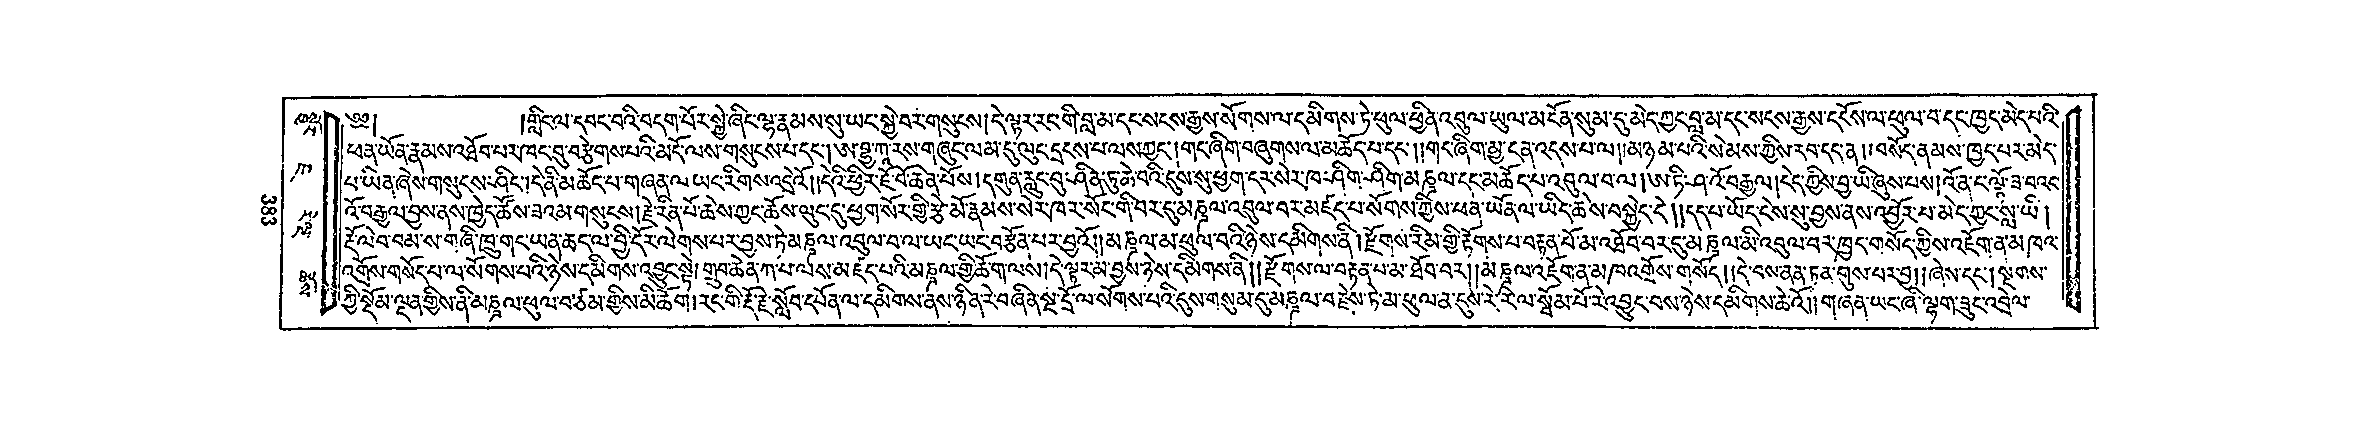༄༅། །གླིང་ལ་དབང་བའི་བདག་པོར་སྐྱེ་ཞིང་ལྷ་རྣམས་སུ་ཡང་སྐྱེ་བར་གསུངས། དེ་ལྟར་རང་གི་བླ་མ་དང་སངས་རྒྱས་སོགས་ལ་དམིགས་ཏེ་ཕུལ་ཕྱིན་འབུལ་ཡུལ་མངོན་སུམ་དུ་མེད་ཀྱང་བླ་མ་དང་སངས་རྒྱས་དངོས་ལ་ཕུལ་བ་དང་ཁྱད་མེད་པའི་
ཕན་ཡོན་རྣམས་འཐོབ་པར་ཁང་བུ་བརྩེགས་པའི་མདོ་ལས་གསུངས་པ་དང་། ཨ་བྷྱ་ཀཱ་རས་གཞུང་ལམ་དུ་ལུང་དྲངས་པ་ལས་ཀྱང་། གང་ཞིག་བཞུགས་ལ་མཆོད་པ་དང་། །གང་ཞིག་མྱ་ངན་འདས་པ་ལ། །མཉམ་པའི་སེམས་ཀྱིས་རབ་དད་ན། །བསོད་ནམས་ཁྱད་པར་མེད་
པ་ཡིན་ཞེས་གསུངས་ཤིང་། དེ་ནི་མཆོད་པ་གཞན་ལ་ཡང་རིགས་འདྲེའོ། །དེའི་ཕྱིར་ཇོ་བོ་ཆེན་པོས། དགུན་རླུང་བུ་ཤིན་ཏུ་ཆེ་བའི་དུས་སུ་ཕྱག་དར་སེར་ཁ་ཤིག་ཤིག་མཎྜལ་དང་མཆོད་པ་འབུལ་བ་ལ། ཨ་ཏི་ཤ་འོ་བརྒྱལ། ངེད་ཀྱིས་བྱ་ཡི་ཞུས་པས། འོ་ན་ང་ལྟོ་ཟ་བའང་
འོ་བརྒྱལ་བྱས་ནས་ཁྱེད་ཚོས་ཟའམ་གསུངས། རྗེ་རིན་པོ་ཆེས་ཀྱང་ཆོས་ལུང་དུ་ཕྱག་སོར་གྱི་རྩེ་མོ་རྣམས་སེར་ཁར་སོང་གི་བར་དུ་མཎྜལ་འབུལ་བར་མཛད་པ་སོགས་ཀྱིས་ཕན་ཡོན་ལ་ཡིད་ཆེས་བསྐྱེད་དེ། །དད་པ་ཡོད་ངེས་སུ་བྱས་ནས་འབྱོར་པ་མེད་ཀྱང་སླ་ཡི།
རྡོ་ལེབ་བམ་ས་གཞི་ཁྲུ་གང་ཡན་ཆད་ལ་བྱི་དོར་ལེགས་པར་བྱས་ཏེ་མཎྜལ་འབུལ་བ་ལ་ཡང་ཡང་བརྩོན་པར་བྱའོ། །མཎྜལ་མ་ཕུལ་བའི་ཉེས་དམིགས་ནི། རྫོགས་རིམ་གྱི་རྟོགས་པ་བརྟན་པོ་མ་འཐོབ་བར་དུ་མཎྜལ་མི་འབུལ་བར་ཁྱད་གསོད་ཀྱིས་འཇོག་ན་མཁའ་
འགྲོས་གསོད་པ་ལ་སོགས་པའི་ཉེས་དམིགས་འབྱུང་སྟེ། གྲུབ་ཆེན་ཀ་པ་ལས་མཛད་པའི་མཎྜལ་གྱི་ཆོ་ག་ལས། དེ་ལྟར་མ་བྱས་ཉེས་དམིགས་ནི། །རྫོགས་ལ་བརྟན་པ་མ་ཐོབ་བར། །མཎྜལ་འཇོག་ན་མཁའ་འགྲོས་གསོད། །དེ་བས་ནན་ཏན་གུས་པར་བྱ། །ཞེས་དང་། སྔགས་
ཀྱི་སྡོམ་ལྡན་གྱིས་ནི་མཎྜལ་ཕུལ་བ་ཙམ་གྱིས་མི་ཆོག །རང་གི་རྡོ་རྗེ་སློབ་དཔོན་ལ་དམིགས་ནས་ཉིན་རེ་བཞིན་སྔ་དྲོ་ལ་སོགས་པའི་དུས་གསུམ་དུ་མཎྜལ་བརྗེས་ཏེ་མ་ཕུལ་ན་དུས་རེ་རེ་ལ་སྦོམ་པོ་རེ་འབྱུང་བས་ཉེས་དམིགས་ཆེ་འོ། །གཞན་ཡང་ཞི་ལྷག་ཟུང་འབྲེལ་